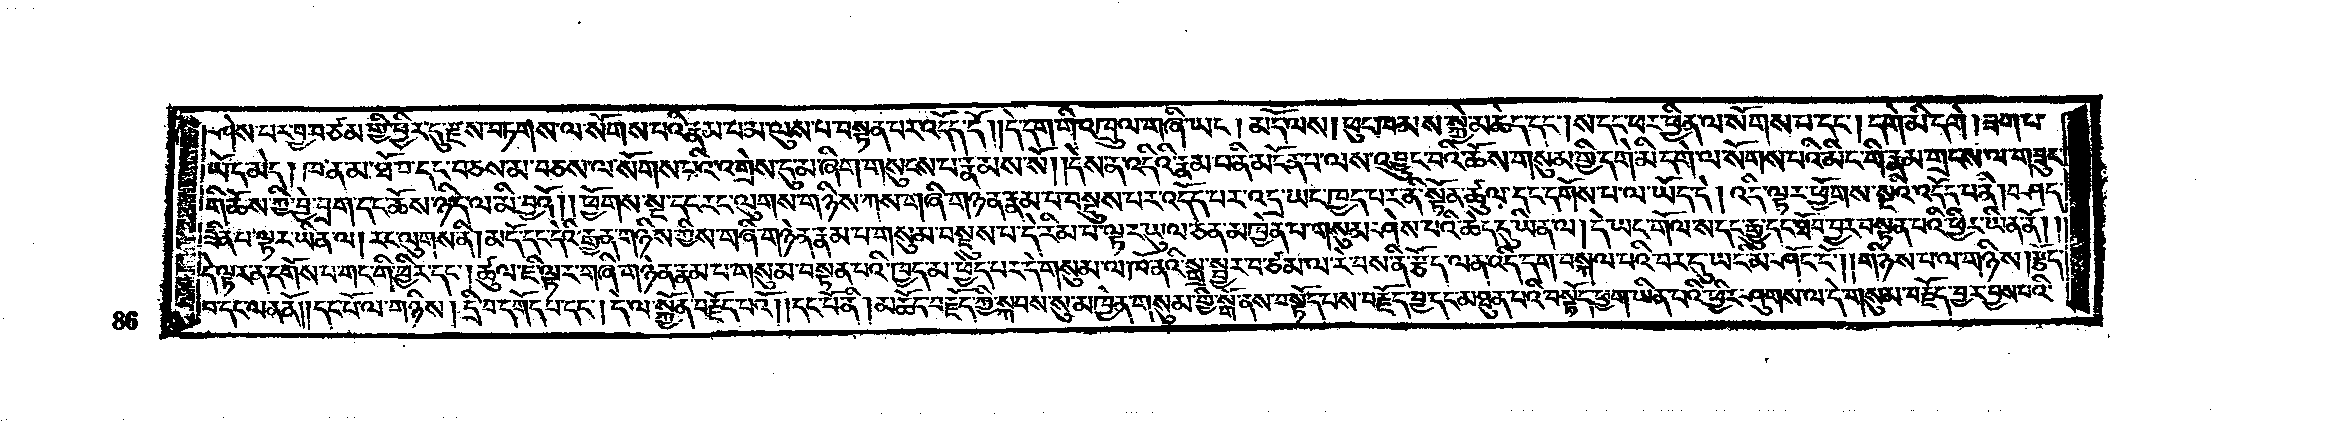ཤེས་པར་བྱ་བ་ཙམ་གྱི་ཕྱིར་དུ་རྫས་བཏགས་ལ་སོགས་པའི་རྣམ་པ་མ་ལུས་པ་བསྟན་པར་འདོད་དོ། །དེ་དག་གི་འཁྲུལ་གཞི་ཡང་། མདོ་ལས། ཕུང་ཁམས་སྐྱེ་མཆེད་དང་། ས་དང་ཕར་ཕྱིན་ལ་སོགས་པ་དང་། དགེ་མི་དགེ །ཟག་པ་
ཡོད་མེད། ཁ་ན་མ་ཐོ་བ་དང་བཅས་མ་བཅས་ལ་སོགས་པའི་འགྲེས་དུ་མ་ཞིག་གསུངས་པ་རྣམས་སོ། །དེས་ན་འདིའི་རྣམ་པ་ནི་མངོན་པ་ལས་འབྱུང་བའི་ཆོས་གསུམ་གྱི་དགེ་མི་དགེ་ལ་སོགས་པའི་མིང་གི་རྣམ་གྲངས་ལ་གཟུང་
གི་ཆོས་ཀྱི་བྱེ་བྲག་དང་ཆོས་ཉིད་ལ་མི་བྱའོ། །ཕྱོགས་སྔ་དང་རང་ལུགས་གཉིས་ཀས་གཞི་གཉན་རྣམ་པ་བསྡུས་པར་འདོད་པར་འདྲ་ཡང་ཁྱད་པར་ནི་སྟོན་ཚུལ་དང་དགོས་པ་ལ་ཡོད་དེ། འདི་ལྟར་ཕྱོགས་སྔའི་འདོད་པ་ནི། བཤད་
ཟིན་པ་ལྟར་ཡིན་ལ། རང་ལུགས་ནི། མདོ་དང་དེའི་རྐྱེན་གཉིས་ཀྱིས་གཞི་གཉེན་རྣམ་པ་གསུམ་བསྡུས་པ་དེ་རིམ་པ་ལྟར་ཡུལ་ཅན་མཁྱེན་པ་གསུམ་ཤེས་པའི་ཆེད་དུ་ཡིན་ལ། དེ་ཡང་གོལ་ས་དང་རྒྱུ་དང་ཐོབ་བྱར་བསྟན་པའི་ཕྱིར་ཡིན་ནོ། །
དེ་ལྟར་ན་དགོས་པ་གང་གི་ཕྱིར་དང་། ཚུལ་ཇི་ལྟར་གཞི་གཉེན་རྣམ་པ་གསུམ་བསྟན་པའི་ཁྱད་མ་ཕྱེད་པར་དེ་གསུམ་ལ་ཁོ་ནའི་སྒྲ་སྦྱར་བ་ཙམ་ལ་རེ་བས་ནི་རྩོད་ལན་འདི་དག་བསྐལ་པའི་བར་དུ་ཡང་མི་ཤོང་ངོ། །གཉིས་པ་ལ་གཉིས། རྩོད་
བ་དང་ལན་ནོ། །དང་པོ་ལ་གཉིས། དྲི་བ་དགོད་པ་དང་། དེ་ལ་སྐྱོན་བརྗོད་པའོ། །དང་པོ་ནི། མཆོད་བརྗོད་ཀྱི་སྐབས་སུ་མཁྱེན་གསུམ་གྱི་སྒོ་ནས་བསྟོད་པས་བརྗོད་བྱ་དང་མཐུན་པའི་བསྟོད་ཕྱག་ཡིན་པའི་ཕྱིར་ཤུགས་ལ་དེ་གསུམ་བརྗོད་བྱར་བྱས་པའི་